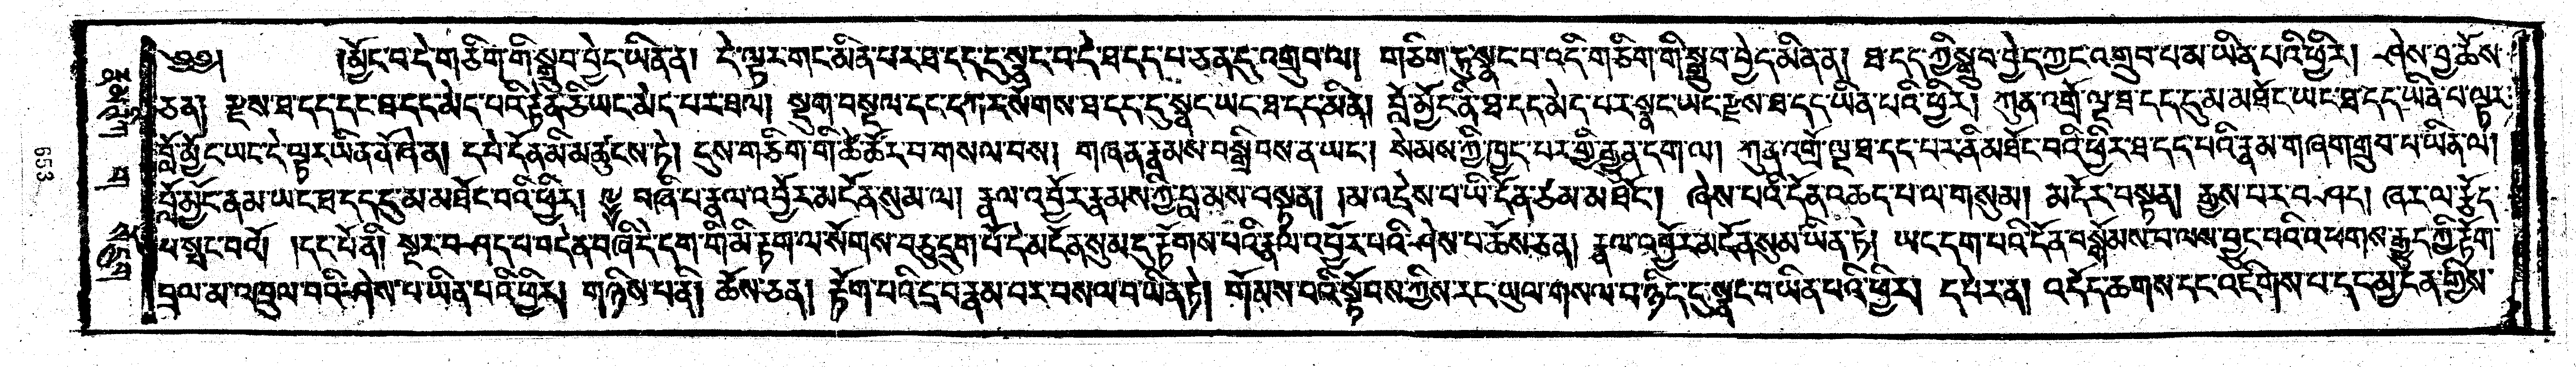༄༅། །མྱོང་བ་དེ་གཅིག་གི་སྒྲུབ་བྱེད་ཡིན་ན། དེ་ལྟར་གང་མིན་པར་ཐ་དད་དུ་སྣང་བ་དེ་ཐ་དད་པ་ཅན་དུ་འགྲུབ་ལ། གཅིག་ཏུ་སྣང་བ་འདི་གཅིག་གི་སྒྲུབ་བྱེད་མིན་ན། ཐ་དད་ཀྱི་སྒྲུབ་བྱེད་ཀྱང་འགྲུབ་པ་མ་ཡིན་པའི་ཕྱིར། ཤེས་བྱ་ཆོས་
ཅན། རྫས་ཐ་དད་དང་ཐ་དད་མེད་པའི་རྟེན་ཅི་ཡང་མེད་པར་ཐལ། སྡུག་བསྔལ་དང་དཀར་སོགས་ཐ་དད་དུ་སྣང་ཡང་ཐ་དད་མིན། བློ་མྱོང་ནི་ཐ་དད་མེད་པར་སྣང་ཡང་རྫས་ཐ་དད་ཡིན་པའི་ཕྱིར། ཀུན་འགྲོ་ལྔ་ཐ་དད་དུ་མ་མཐོང་ཡང་ཐ་དད་ཡིན་པ་ལྟར་
བློ་མྱོང་ཡང་དེ་ལྟར་ཡིན་ནོ་ཞེ་ན། དཔེ་དོན་མི་མཚུངས་ཏེ། དུས་གཅིག་གི་ཚེ་ཚོར་བ་གསལ་བས། གཞན་རྣམས་བསྒྲིབས་ན་ཡང་། སེམས་ཀྱི་ཁྱད་པར་གྱི་རྒྱུན་དག་ལ། ཀུན་འགྲོ་ལྔ་ཐ་དད་པར་ནི་མཐོང་བའི་ཕྱིར་ཐ་དད་པའི་རྣམ་གཞག་གྲུབ་པ་ཡིན་ལ།
བློ་མྱོང་ནམ་ཡང་ཐ་དད་དུ་མ་མཐོང་བའི་ཕྱིར། ༈ བཞི་པ་རྣལ་འབྱོར་མངོན་སུམ་ལ། རྣལ་འབྱོར་རྣམས་ཀྱི་བླ་མས་བསྟན། །མ་འདྲེས་པ་ཡི་དོན་ཙམ་མཐོང་། ཞེས་པའི་དོན་འཆད་པ་ལ་གསུམ། མདོར་བསྟན། རྒྱས་པར་བཤད། ཞར་ལ་རྩོད་
པ་སྤང་བའོ། །དང་པོ་ནི། སྔར་བཤད་པ་བདེན་བཞི་དེ་དག་གི་མི་རྟག་ལ་སོགས་བཅུ་དྲུག་པོ་དེ་མངོན་སུམ་དུ་རྟོགས་པའི་རྣལ་འབྱོར་པའི་ཤེས་པ་ཆོས་ཅན། རྣལ་འབྱོར་མངོན་སུམ་ཡིན་ཏེ། ཡང་དག་པའི་དོན་བསྒོམས་པ་ལས་བྱུང་བའི་འཕགས་རྒྱུད་ཀྱི་རྟོག་
བྲལ་མ་འཁྲུལ་བའི་ཤེས་པ་ཡིན་པའི་ཕྱིར། གཉིས་པ་ནི། ཆོས་ཅན། རྟོག་པའི་དྲ་བ་རྣམ་བར་བསལ་བ་ཡིན་ཏེ། གོམས་བའི་སྟོབས་ཀྱིས་རང་ཡུལ་གསལ་བ་ཉིད་དུ་སྣང་བ་ཡིན་པའི་ཕྱིར། དཔེར་ན། འདོད་ཆགས་དང་འཇིགས་པ་དང་མྱ་ངན་གྱིས་